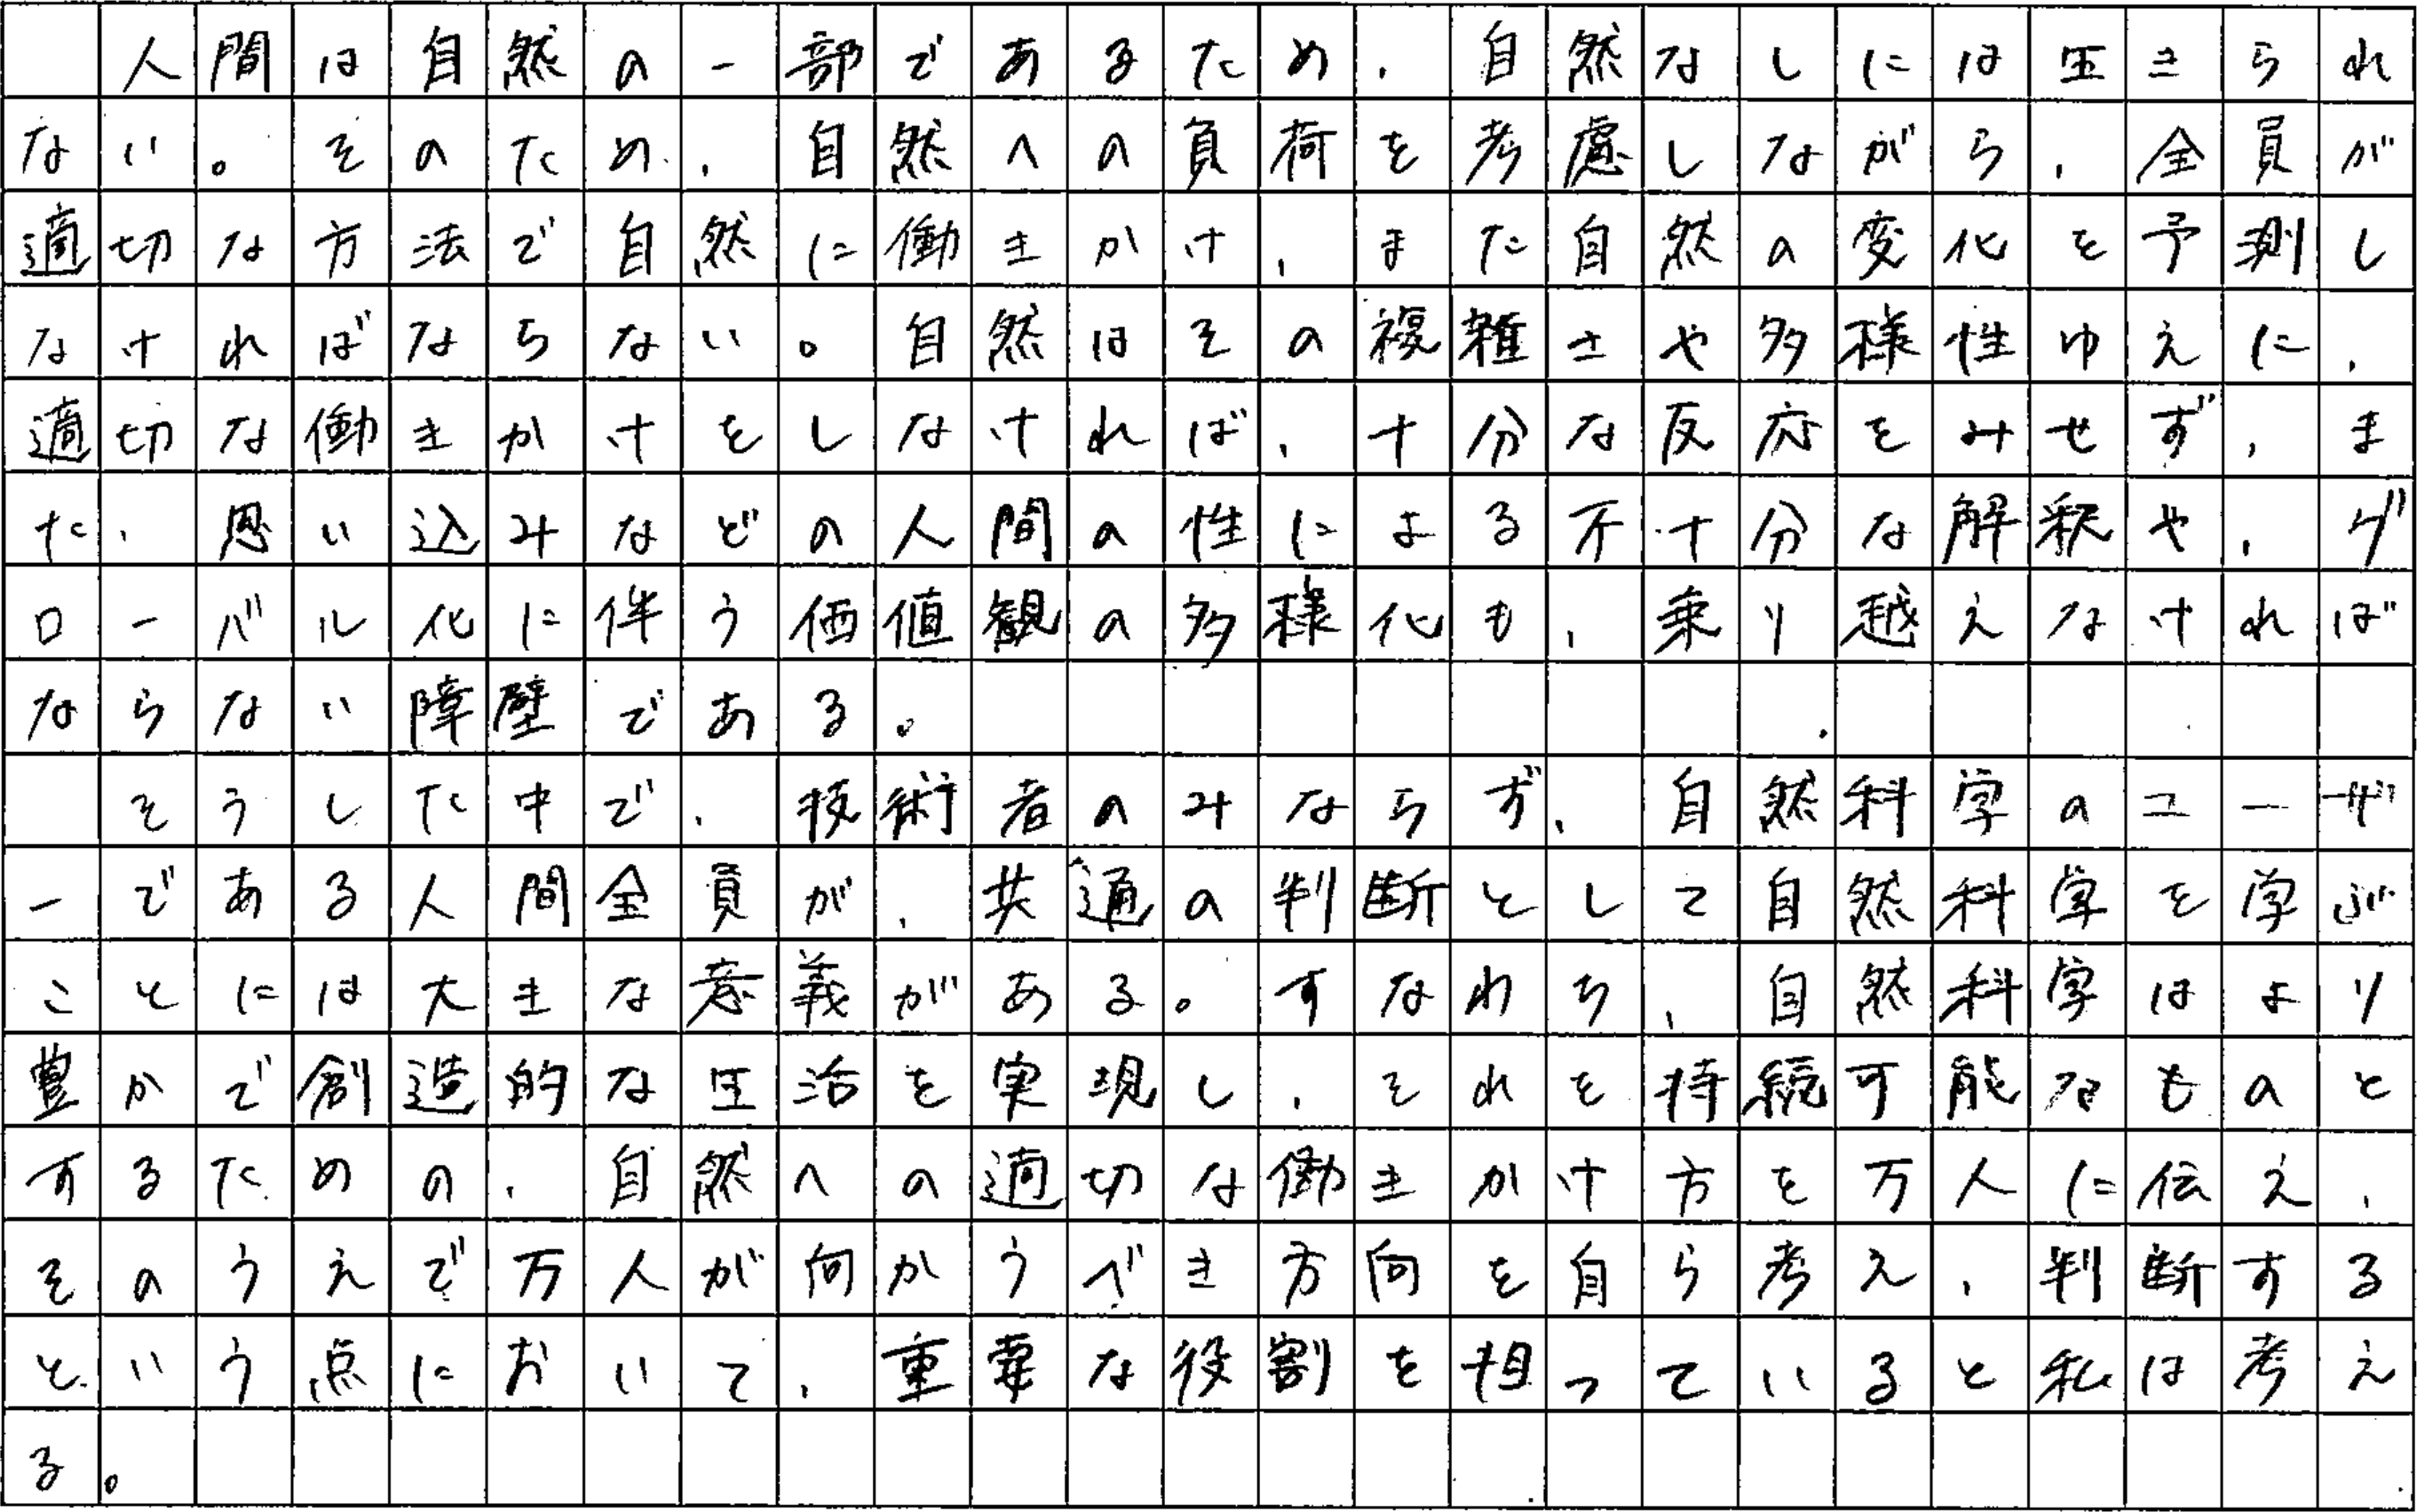　人間は自然の一部であるため、自然なしには生きられない。そのため、自然への負荷を考慮しながら、全員が適切な方法で自然に働きかけ、また自然の変化を予測しなければならない。自然はその複雑さや多様性ゆえに、適切な働きかけをしなければ、十分な反応をみせず、また、思い込みなどの人間の性による不十分な解釈や、グローバル化に伴う価値観の多様化も、乗り越えなければならない障壁である。
　そうした中で、技術者のみならず、自然科学のユーザーである人間全員が、共通の判断として自然科学を学ぶことには大きな意義がある。すなわち、自然科学はより豊かで創造的な生活を実現し、それを持続可能なものとするための、自然への適切な働きかけ方を万人に伝え、そのうえで万人が向かうべき方向を自ら考え、判断するという点において、貴重な役割を担っていると私は考える。
